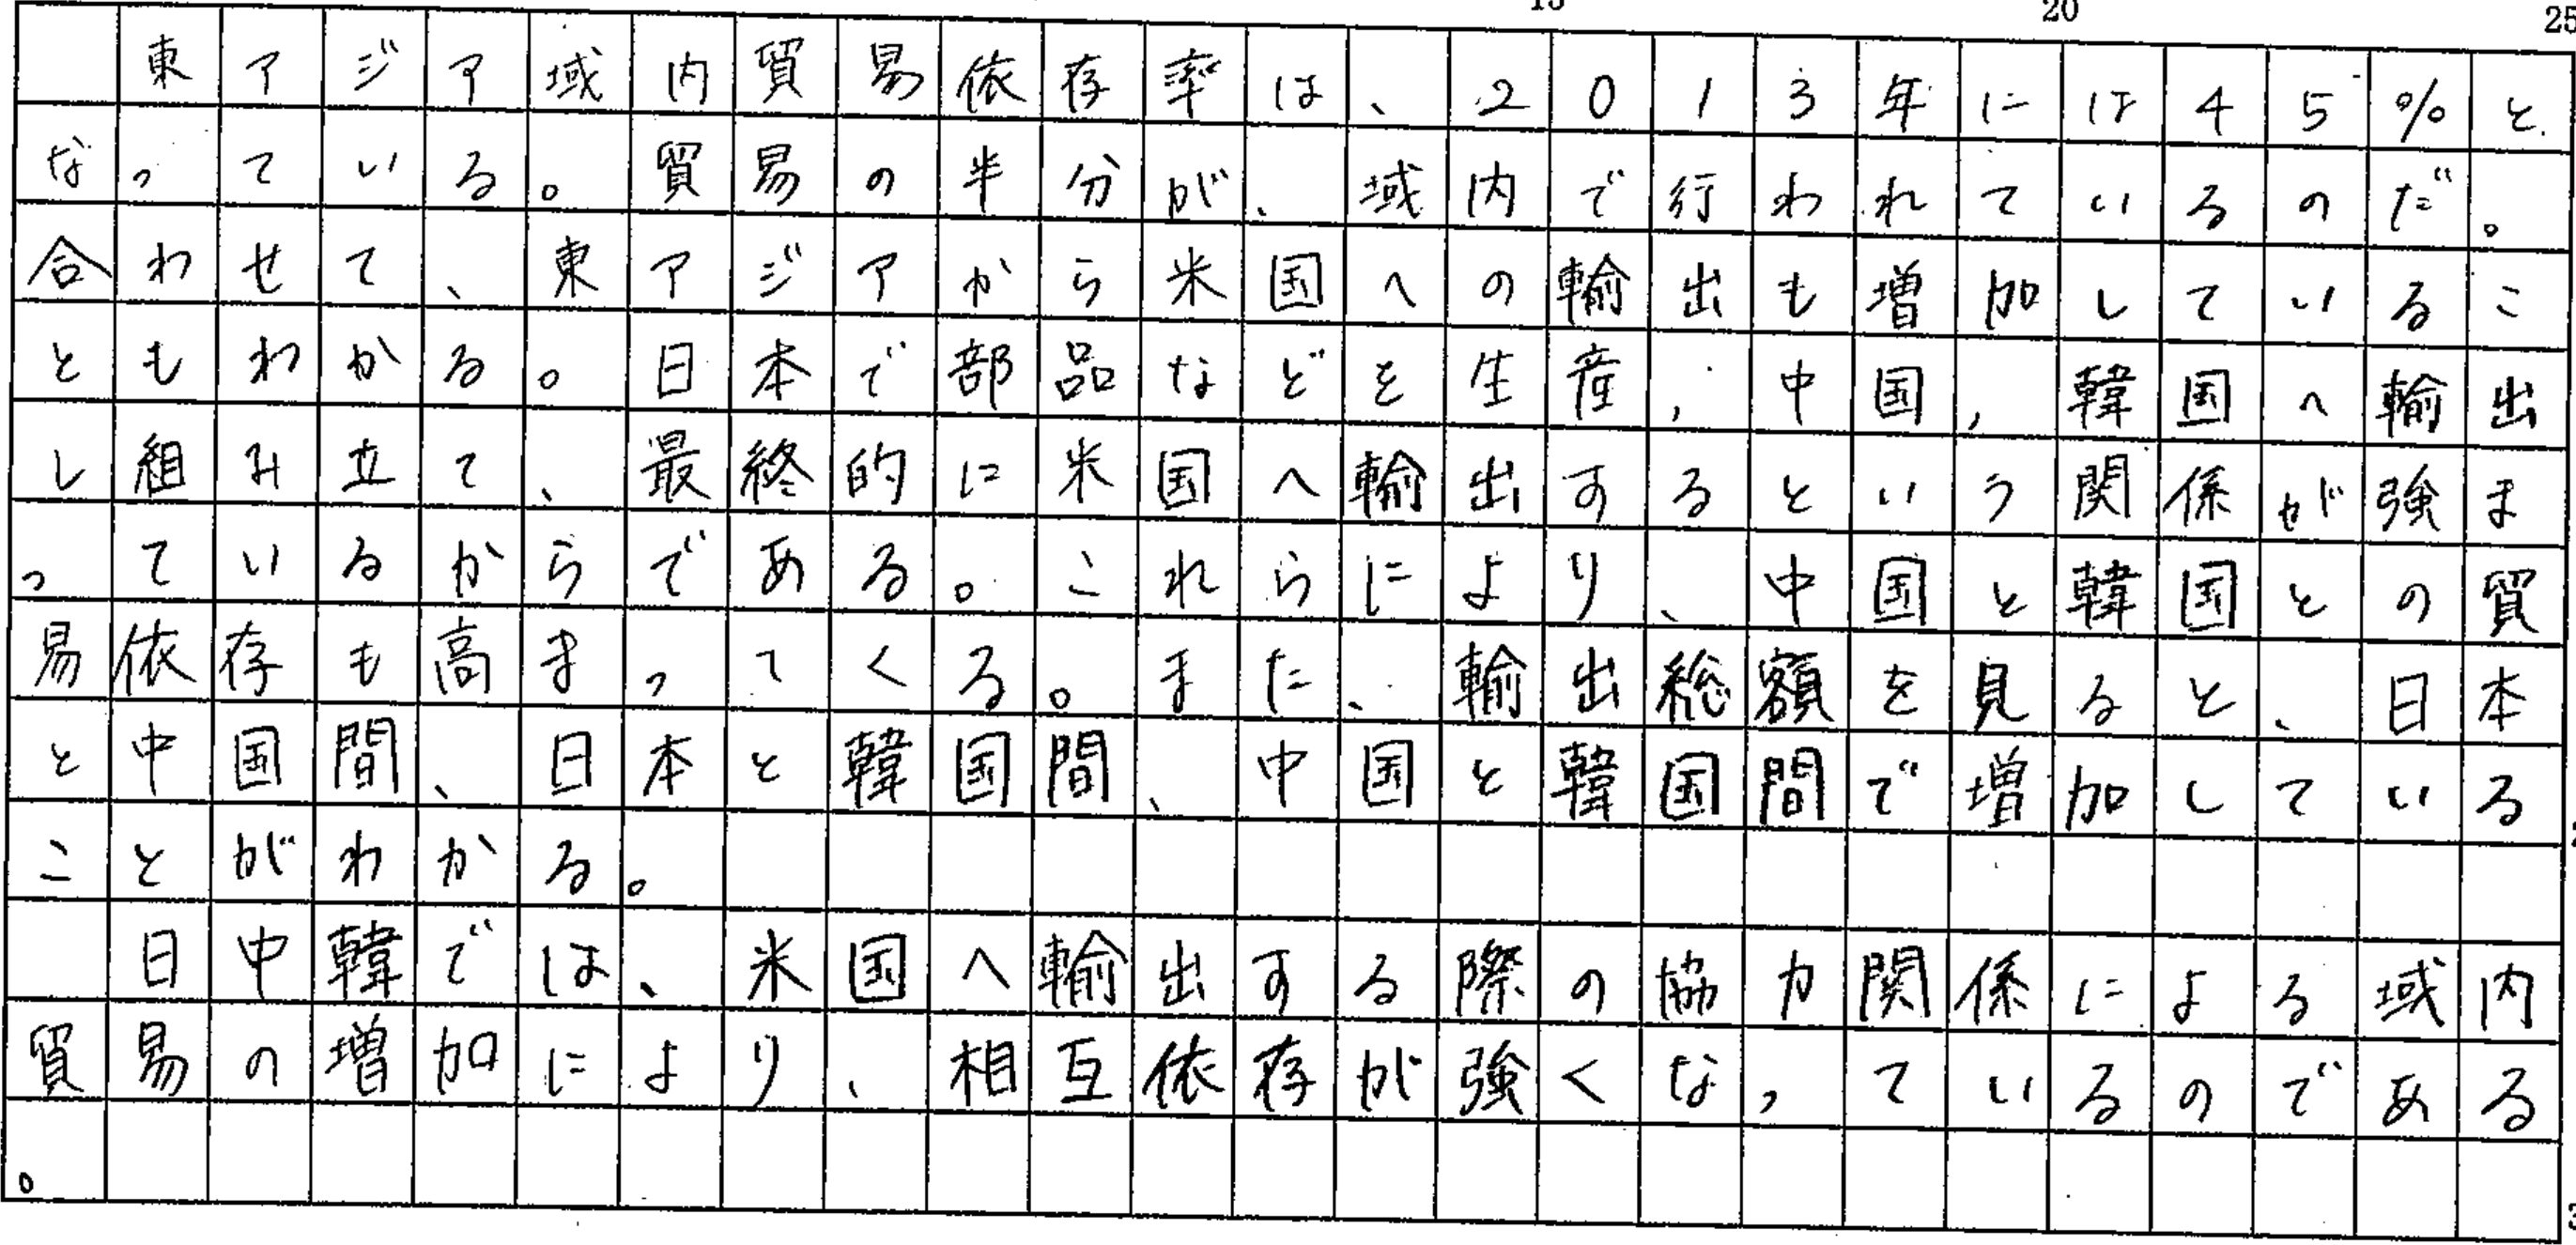　東アジア域内貿易依存率は、２０１３年には４５％となっている。貿易の半分が、域内で行われているのだ。合わせて、東アジアから米国への輸出も増加していることもわかる。日本で部品などを生産，中国，韓国へ輸出し組み立て、最終的に米国へ輸出するという関係が強まっているからである。これらにより、中国と韓国との貿易依存も高まってくる。また、輸出総額を見ると、日本と中国間、日本と韓国間、中国と韓国間で増加していることがわかる。
　日中韓では、米国へ輸出する際の協力関係による域内貿易の増加により、相互依存が強くなっているのである。
